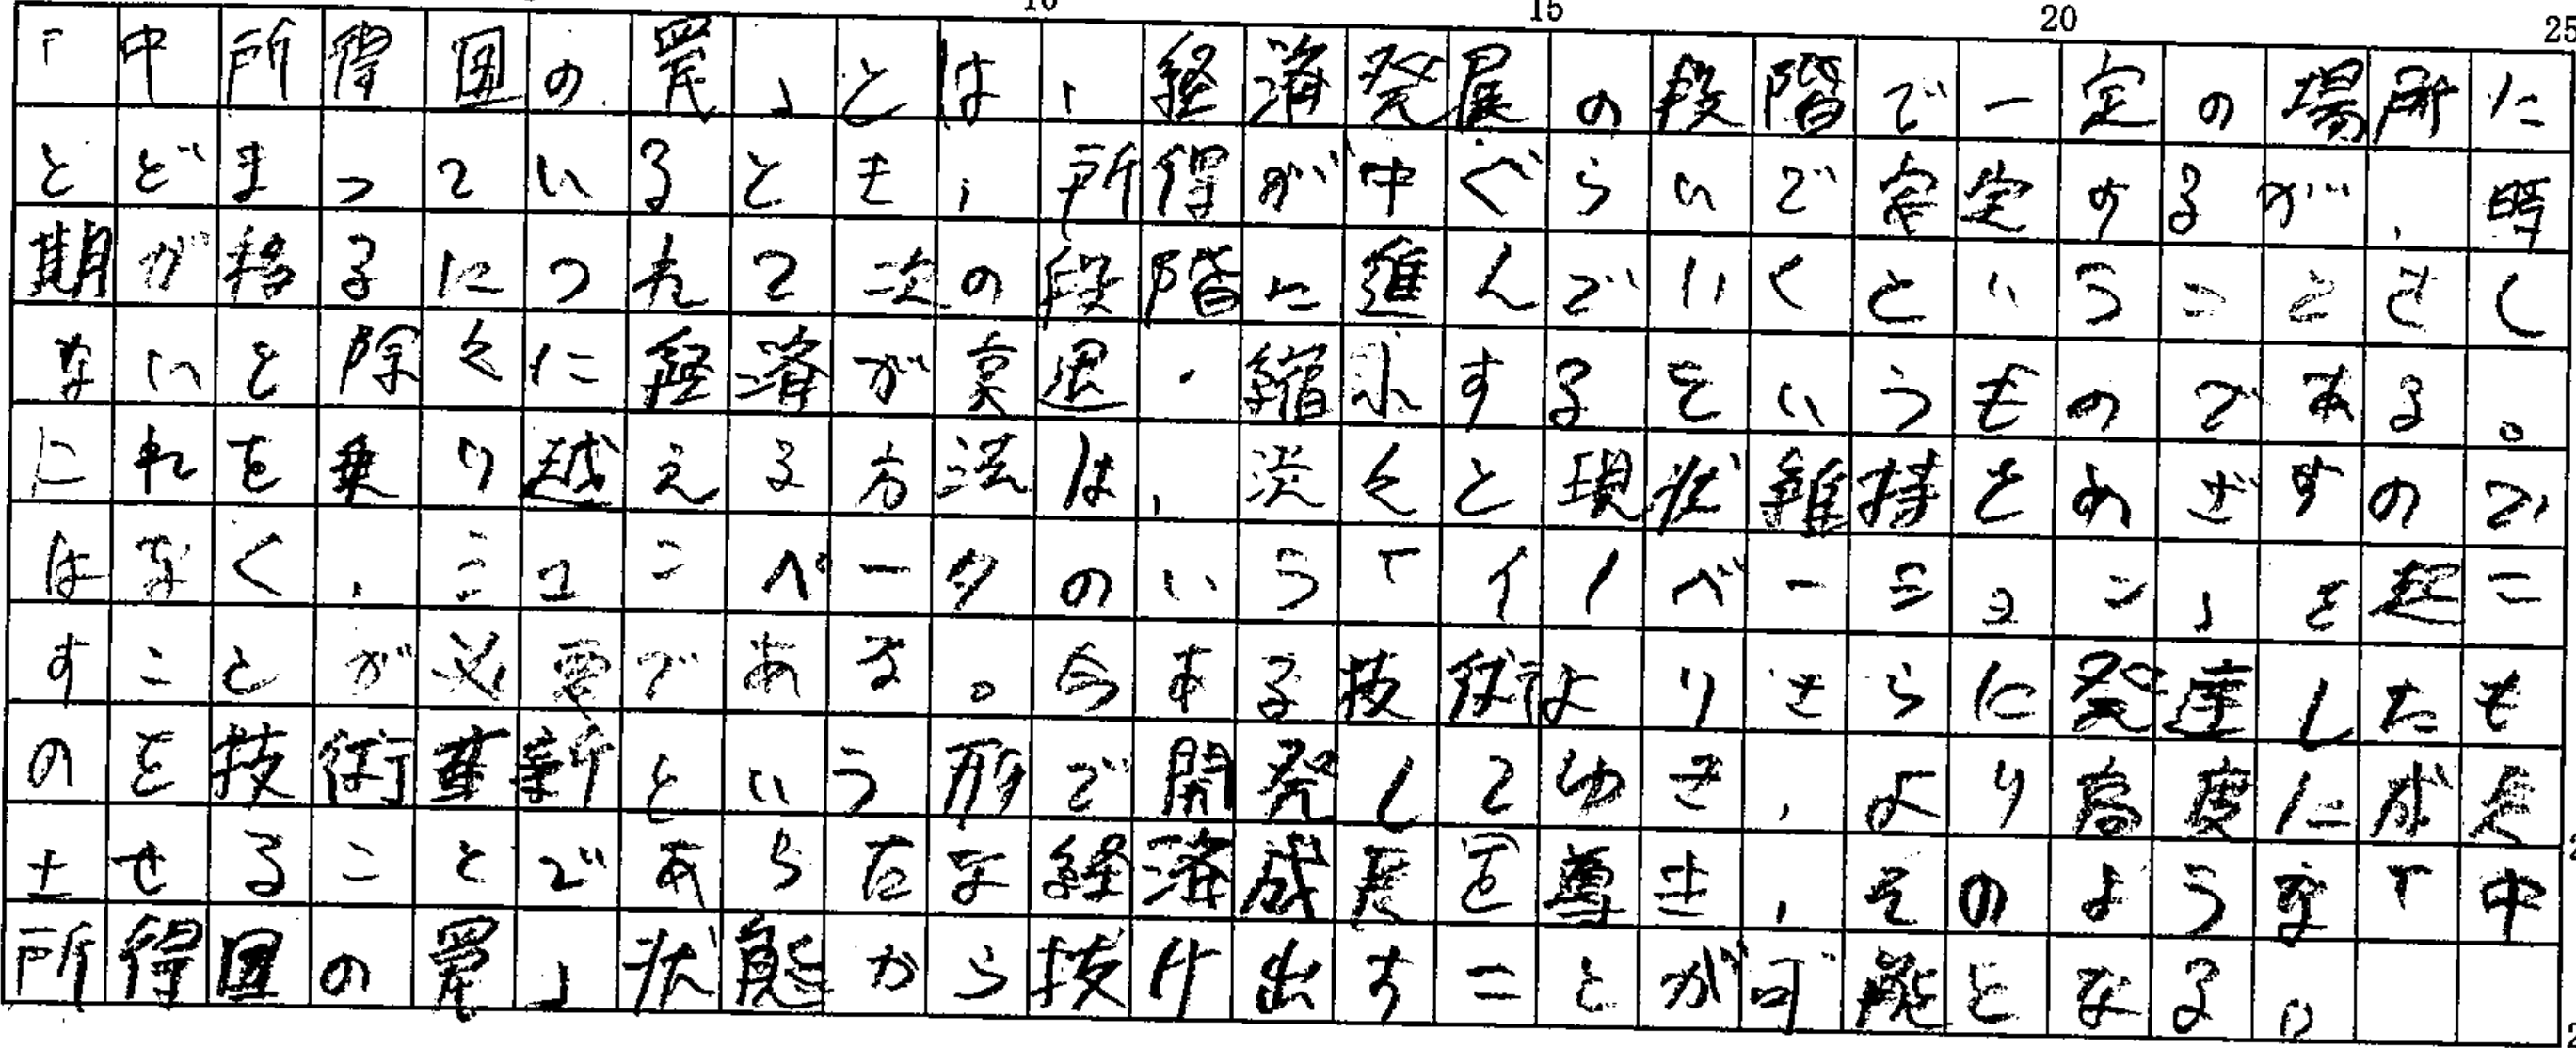「中所得国の罠」とは、経済発展の段階で一定の場所にとどまっているとき，所得が中ぐらいで安定するが、時期が移るにつれて次の段階に進んでいくということをしないと除々に経済が衰退・縮小するというものである。これを乗り越える方法は，淡々と現状維持をめざすのではなく，シュンペータのいう「イノベーション」を起こすことが必要である。今ある技術よりさらに発達したものを技術革新という形で開発してゆき，より高度に成長させることであらたな経済成長を導き，そのような「中所得国の罠」状態から抜け出すことが可能となる。
